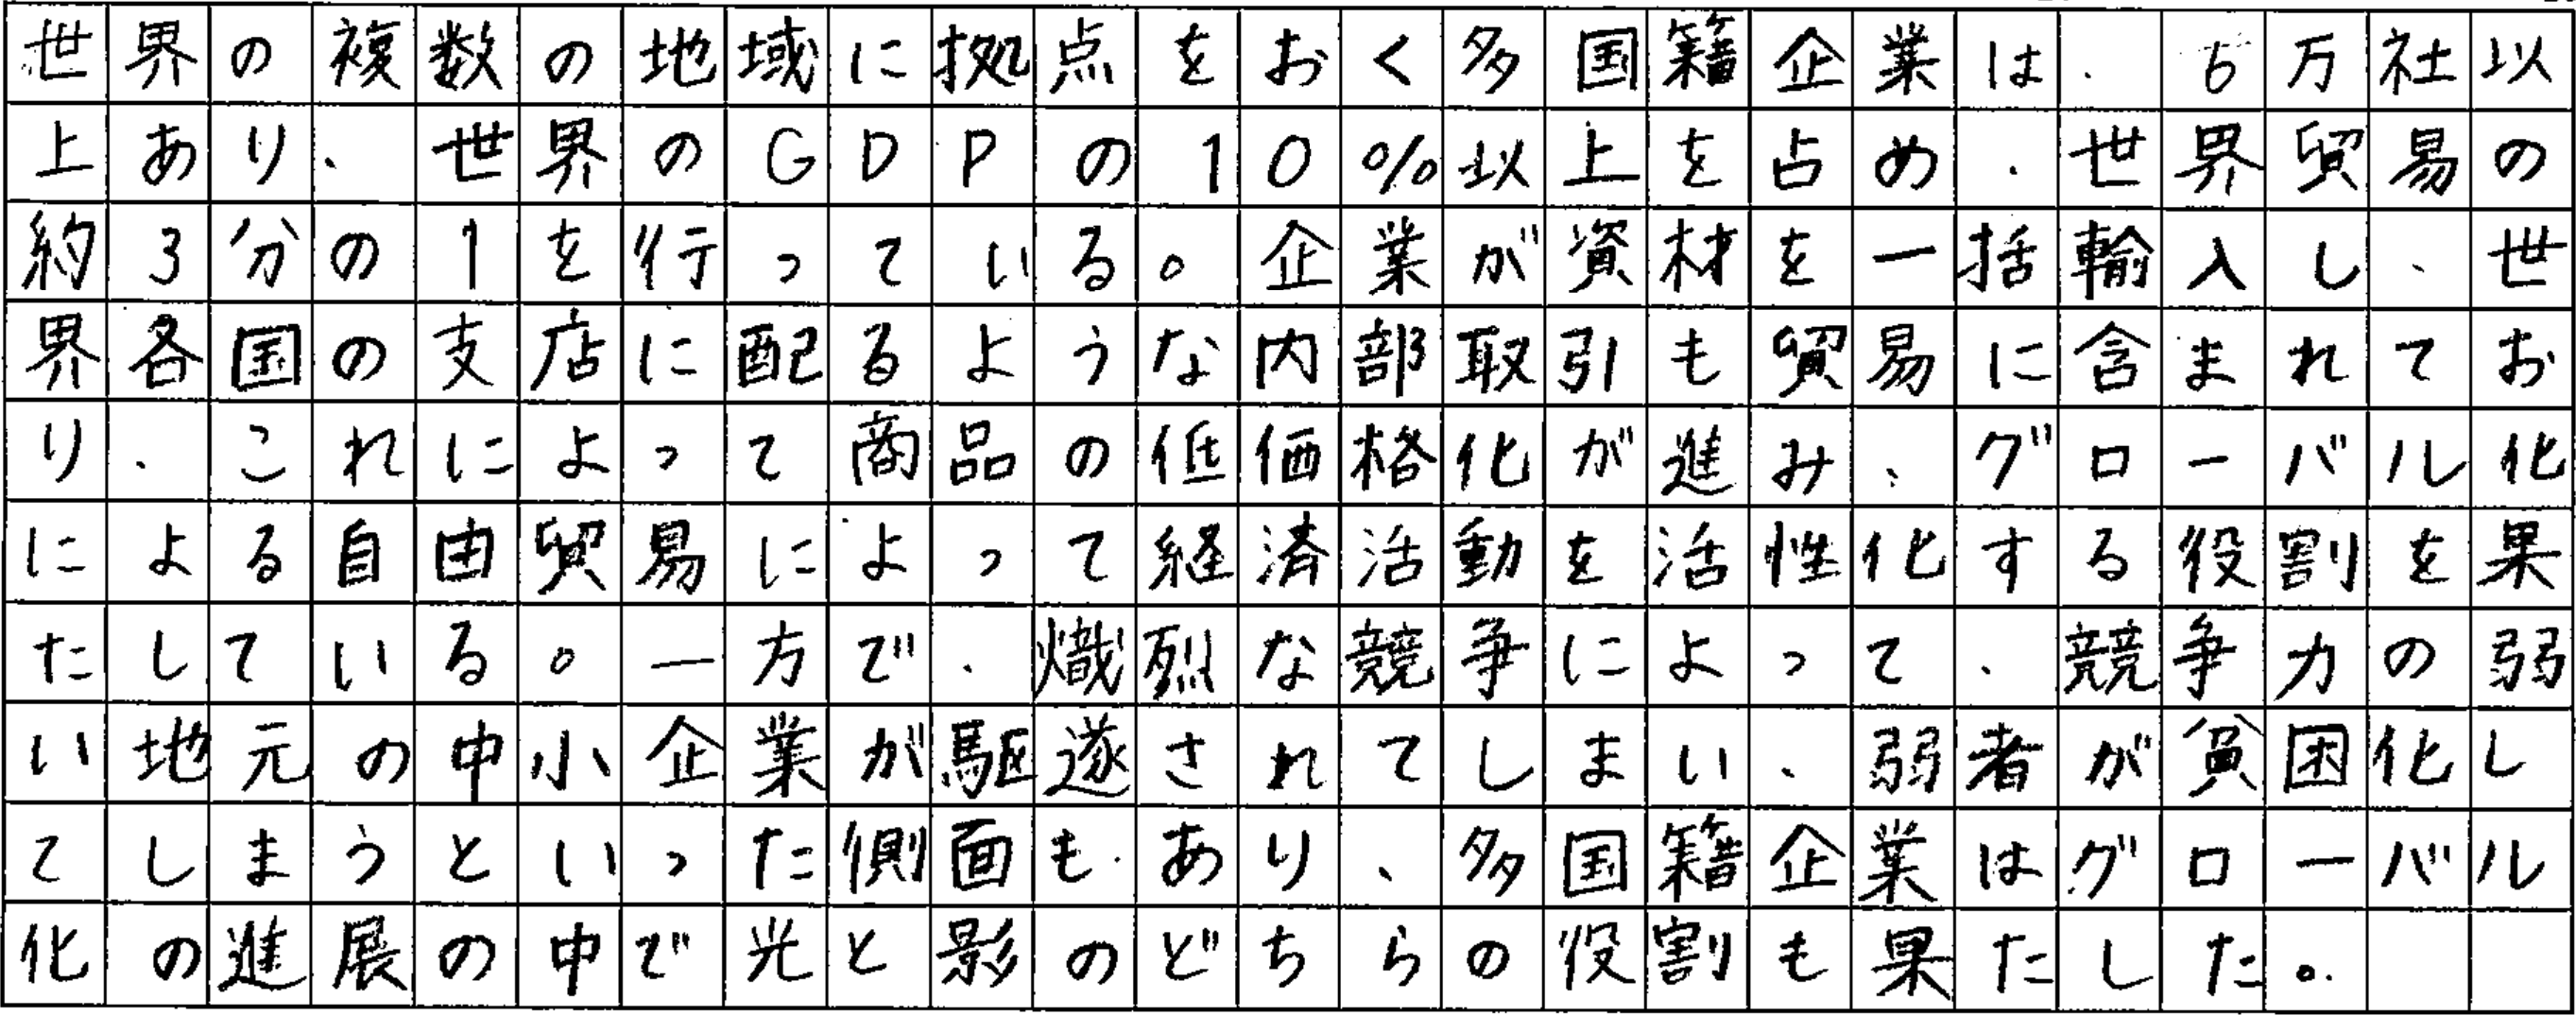世界の複数の地域に拠点をおく多国籍企業は、６万社以上あり、世界のＧＤＰの１０％以上を占め、世界貿易の約３分の１を行っている。企業が資材を一括輸入し、世界各国の支店に配るような内部取引も貿易に含まれており、これによって商品の低価格化が進み、グローバル化による自由貿易によって経済活動を活性化する役割を果たしている。一方で、熾烈な競争によって、競争力の弱い地元の中小企業が駆遂されてしまい、弱者が貧困化してしまうといった側面もあり、多国籍企業はグローバル化の進展の中で光と影のどちらの役割も果たした。
